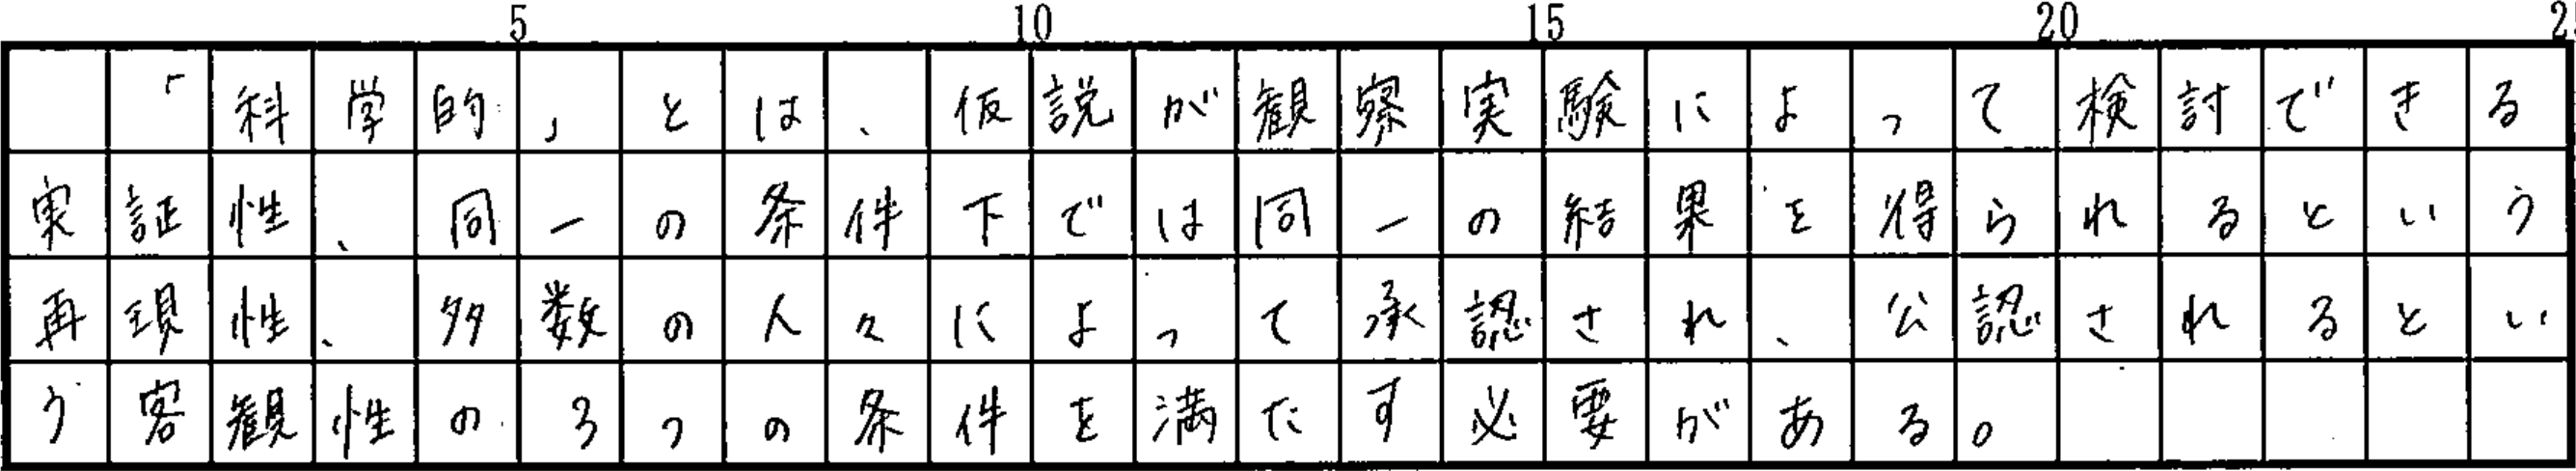　「科学的」とは、仮説が観察実験によって検討できる実証性、同一の条件下では同一の結果を得られるという再現性、多数の人々によって承認され、公認されるという客観性の３つの条件を満たす必要がある。
